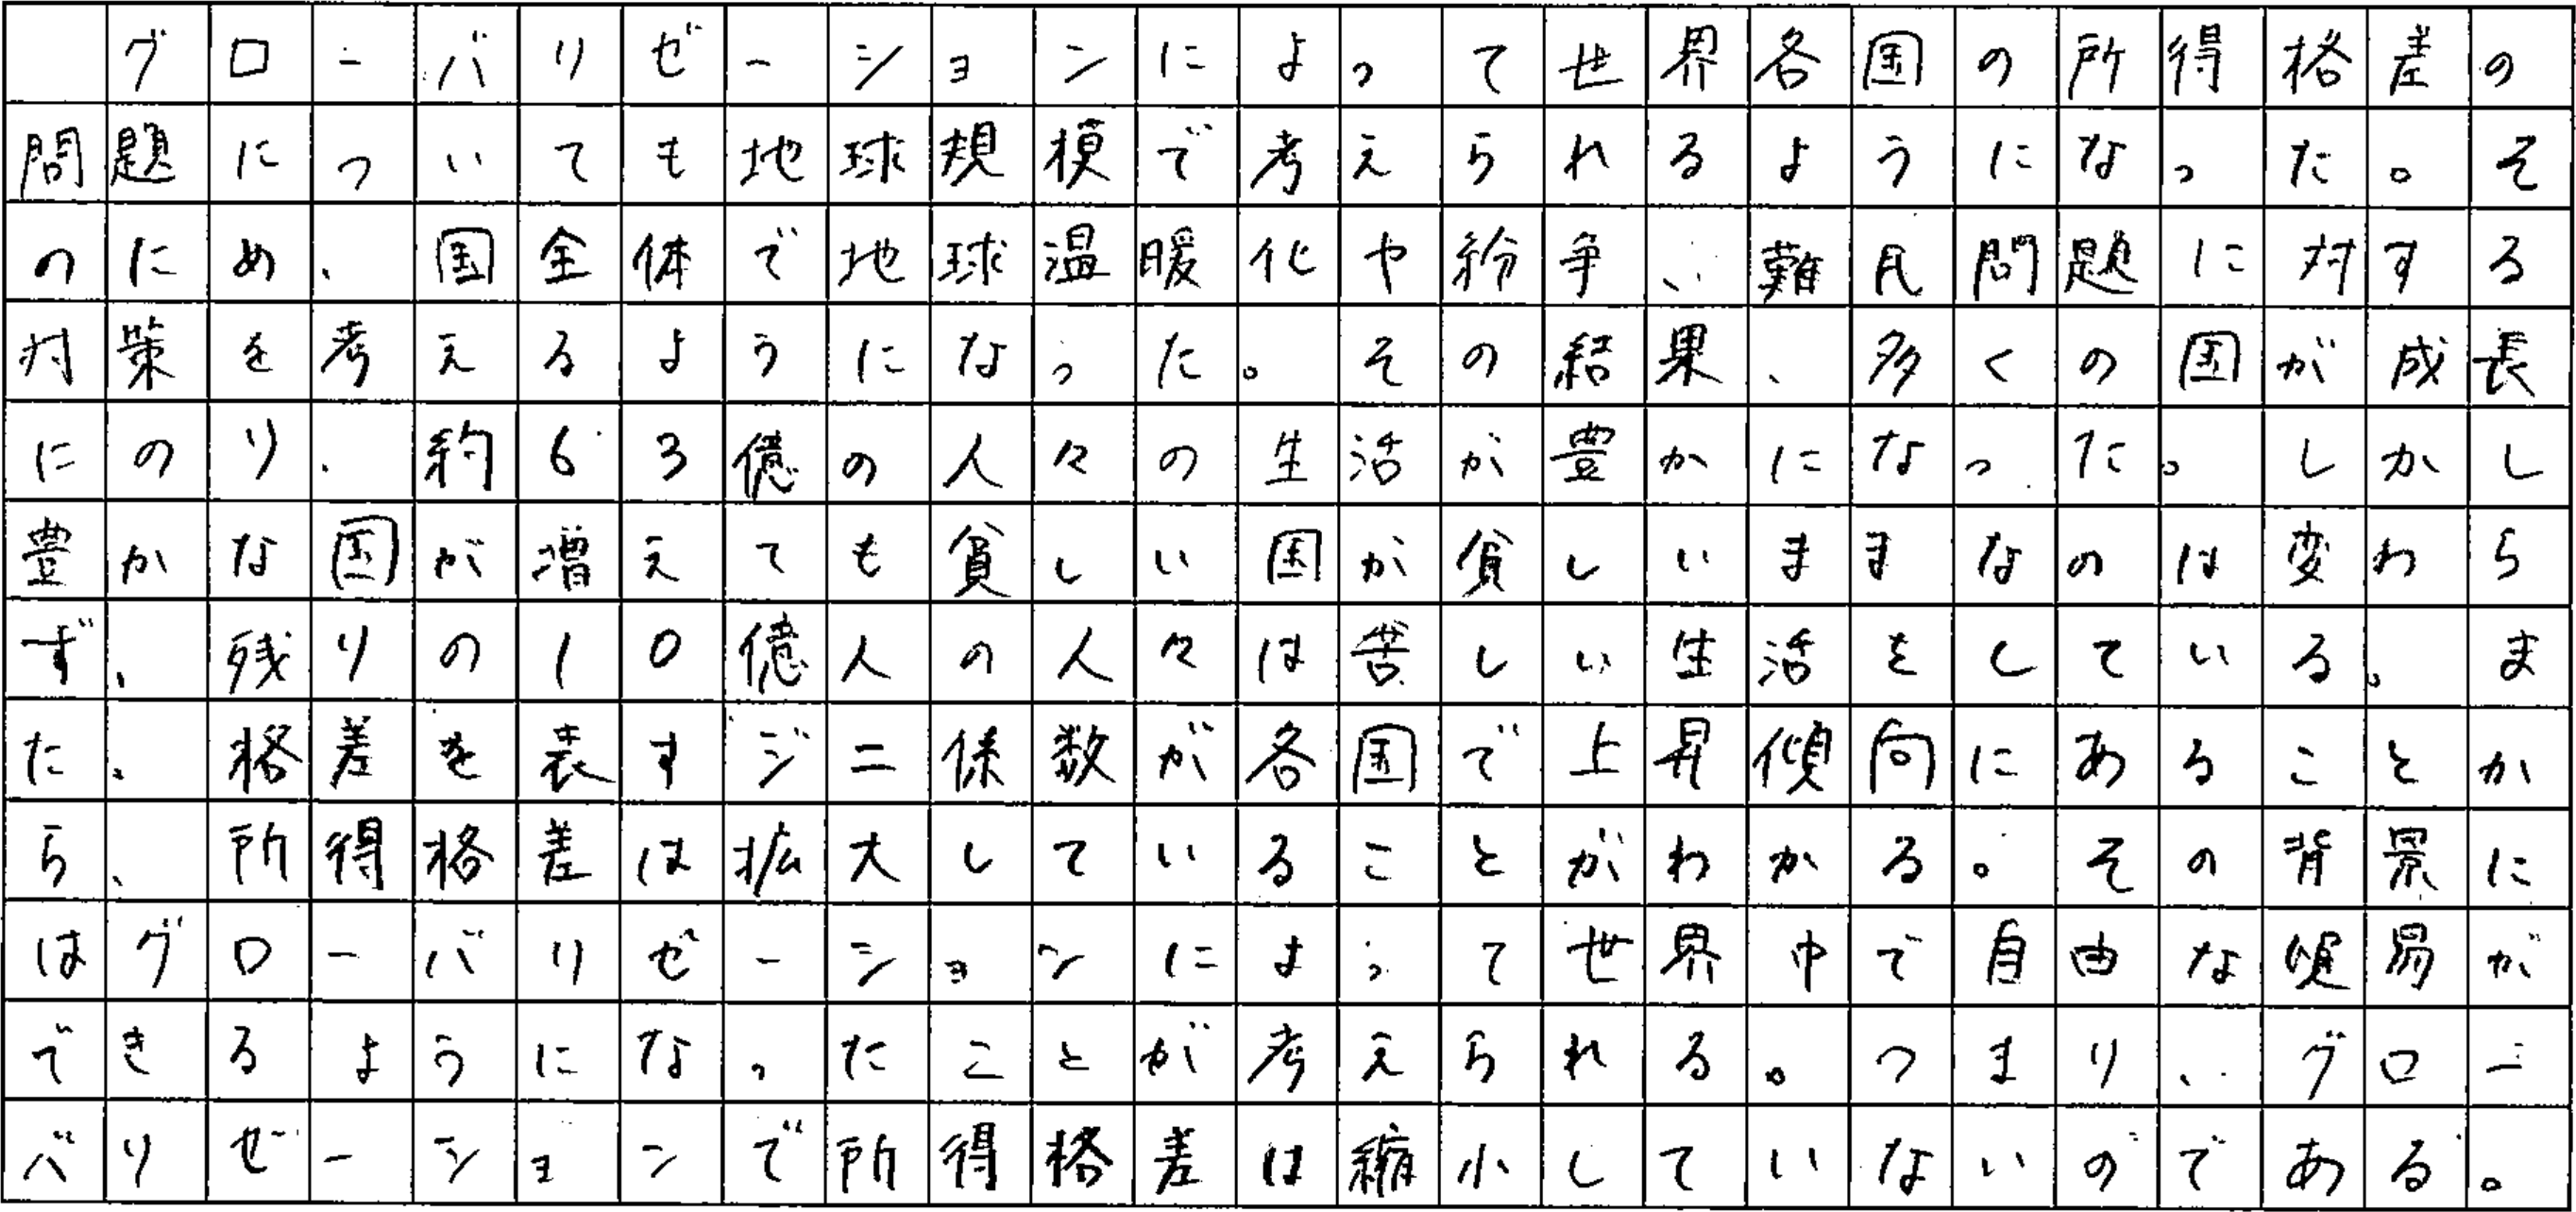　グローバリゼーションによって世界各国の所得格差の問題についても地球規模で考えられるようになった。そのため、国全体で地球温暖化や紛争、難民問題に対する対策を考えるようになった。その結果、多くの国が成長にのり、約６３億の人々の生活が豊かになった。しかし豊かな国が増えても貧しい国が貧しいままなのは変わらず、残りの１０億人の人々は苦しい生活をしている。また、格差を表すジニ係数が各国で上昇傾向にあることから、所得格差は拡大していることがわかる。その背景にはグローバリゼーションによって世界中で自由な貿易ができるようになったことが考えられる。つまり、グローバリゼーションで所得格差は縮小していないのである。
